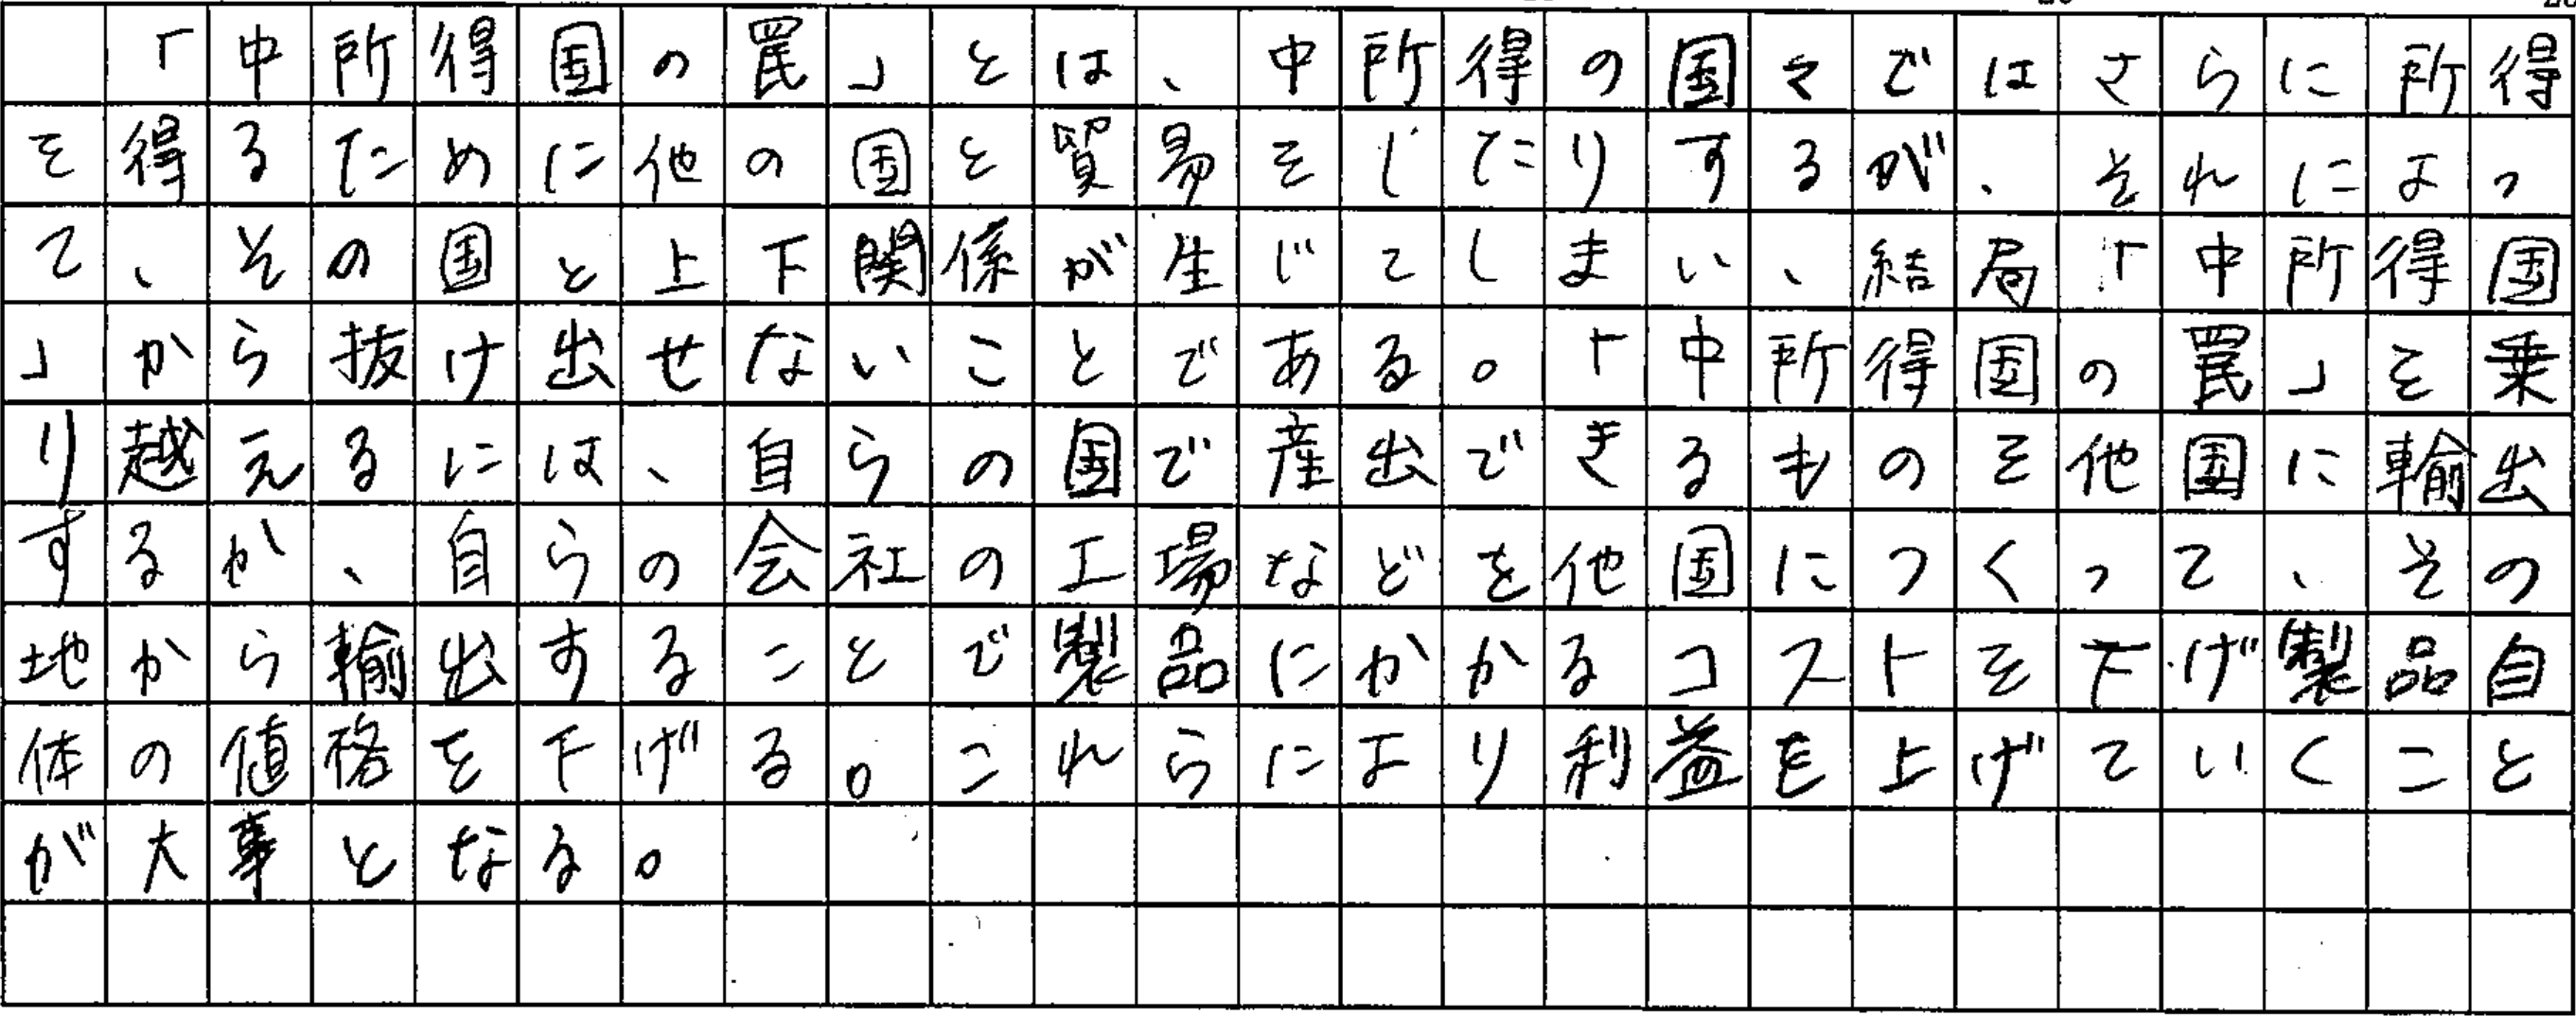　「中所得国の罠」とは、中所得の国々ではさらに所得を得るために他の国と貿易をしたりするが、それによって、その国と上下関係が生じてしまい、結局「中所得国」から抜け出せないことである。「中所得国の罠」を乗り越えるには、自らの国で産出できるものを他国に輸出するか、自らの会社の工場などを他国につくって、その地から輸出することで製品にかかるコストを下げ製品自体の値格を下げる。これらにより利益を上げていくことが大事となる。
